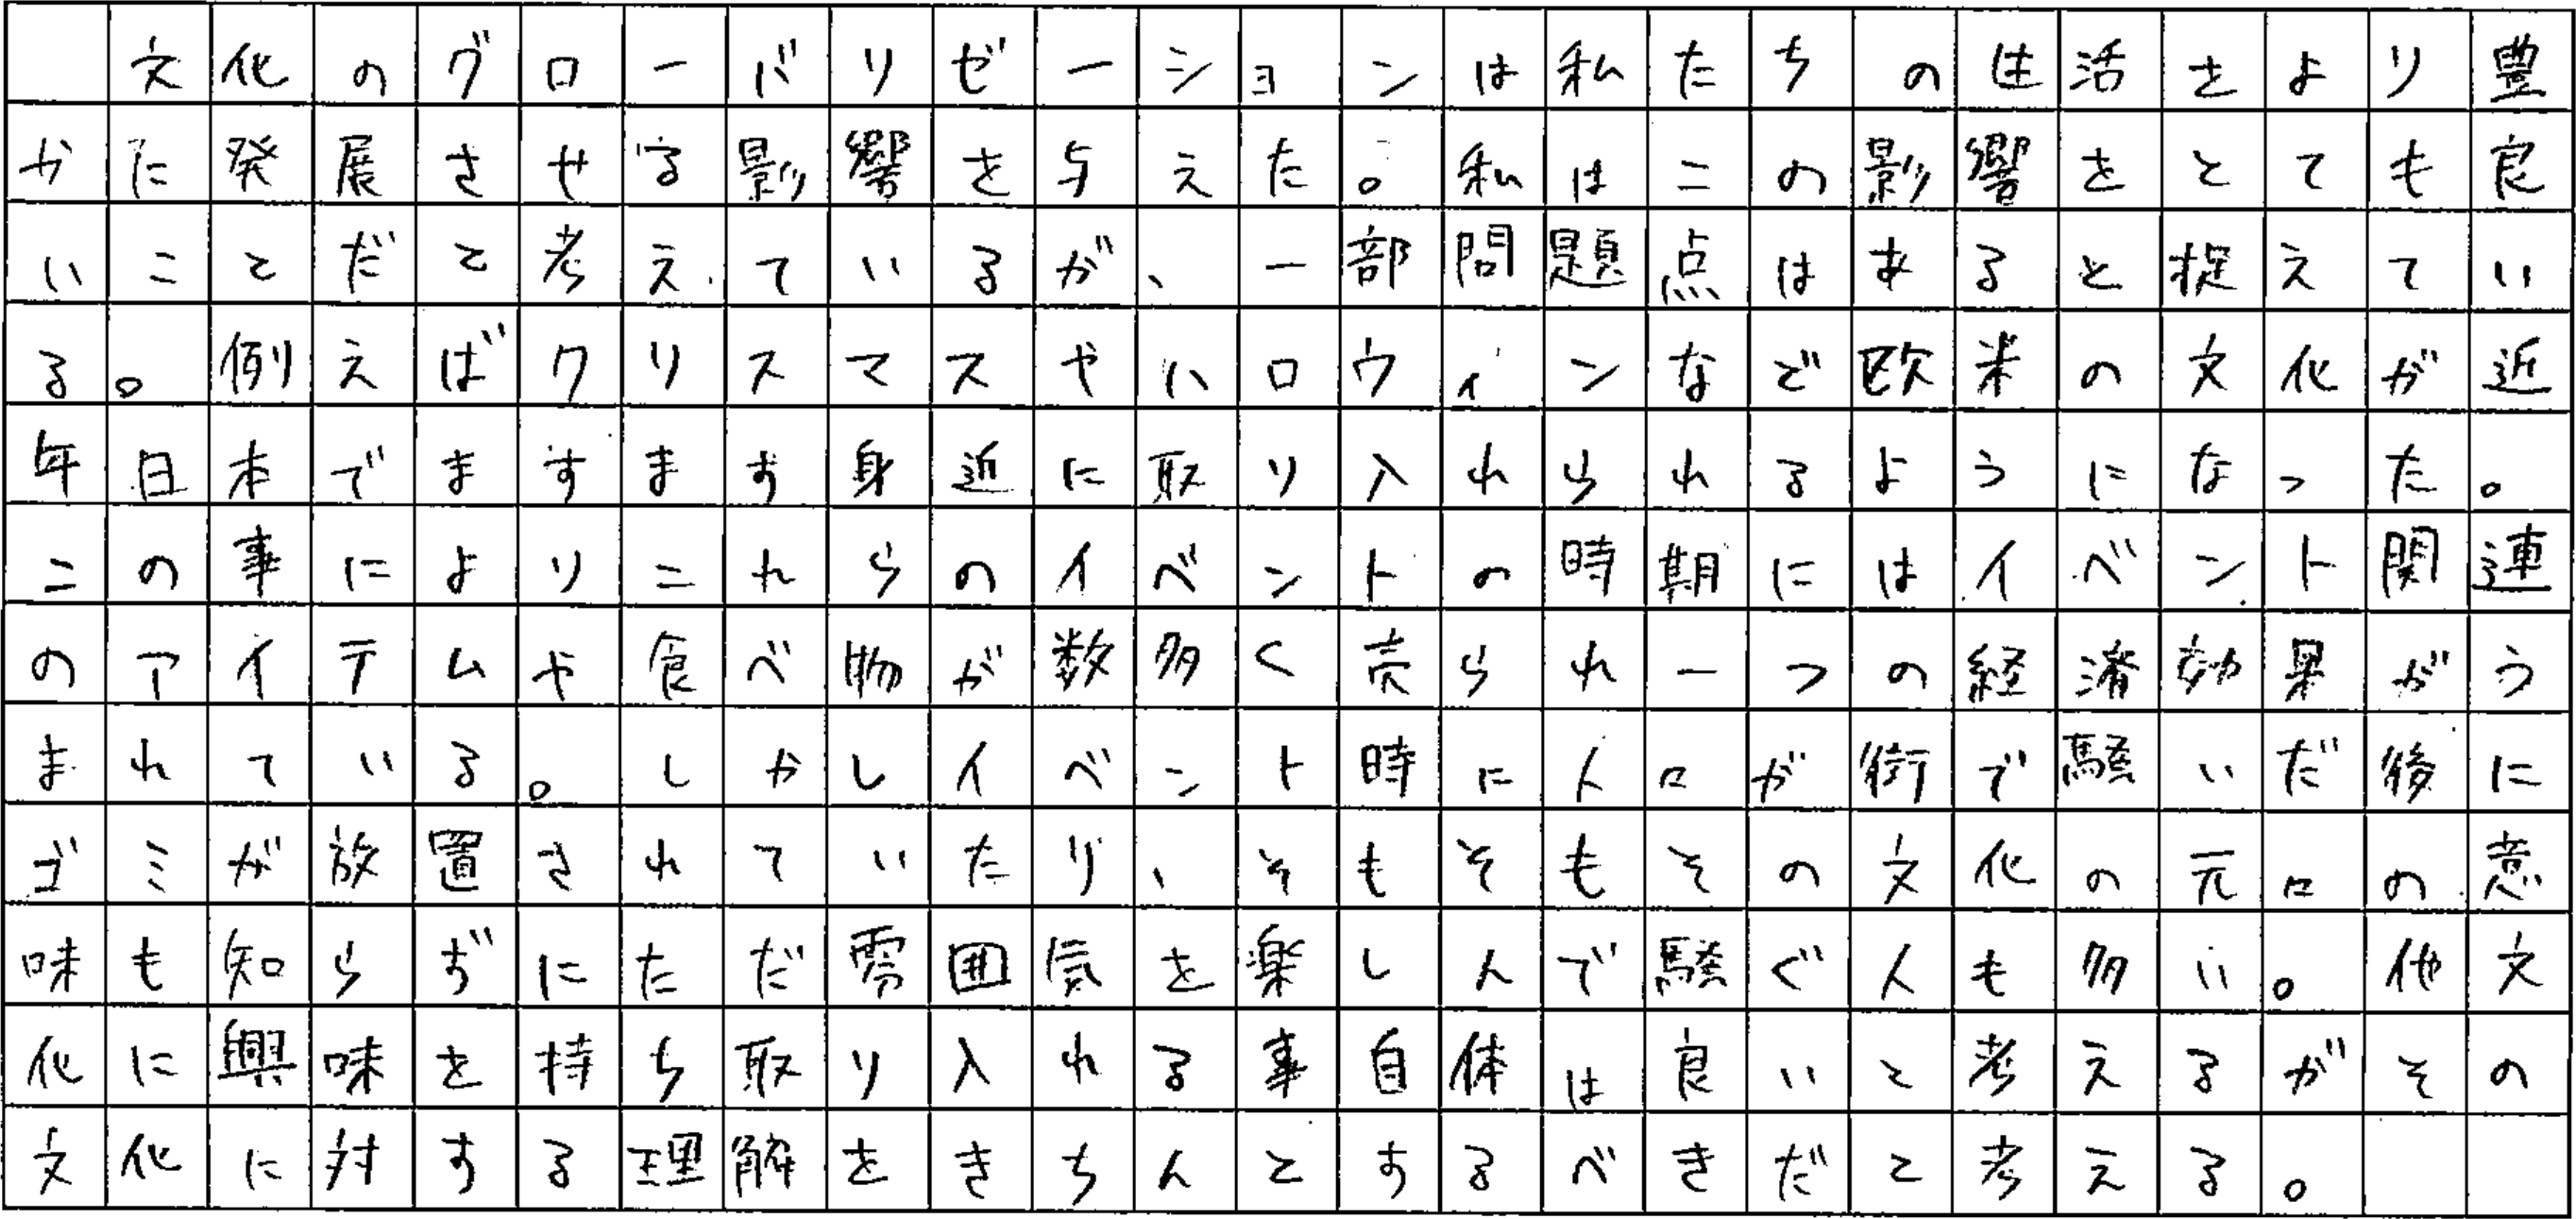　文化のグローバリゼーションは私たちの生活をより豊かに発展させる影響を与えた。私はこの影響をとても良いことだと考えているが、一部問題点はあると捉えている。例えばクリスマスやハロウィンなど欧米の文化が近年日本でますます身近に取り入れられるようになった。この事によりこれらのイベントの時期にはイベント関連のアイテムや食べ物が数多く売られ一つの経済効果がうまれている。しかしイベント時に人々が街で騒いだ後にゴミが放置されていたり、そもそもその文化の元々の意味も知らずにただ雰囲気を楽しんで騒ぐ人も多い。他文化に興味を持ち取り入れる事自体は良いと考えるがその文化に対する理解をきちんとするべきだと考える。
